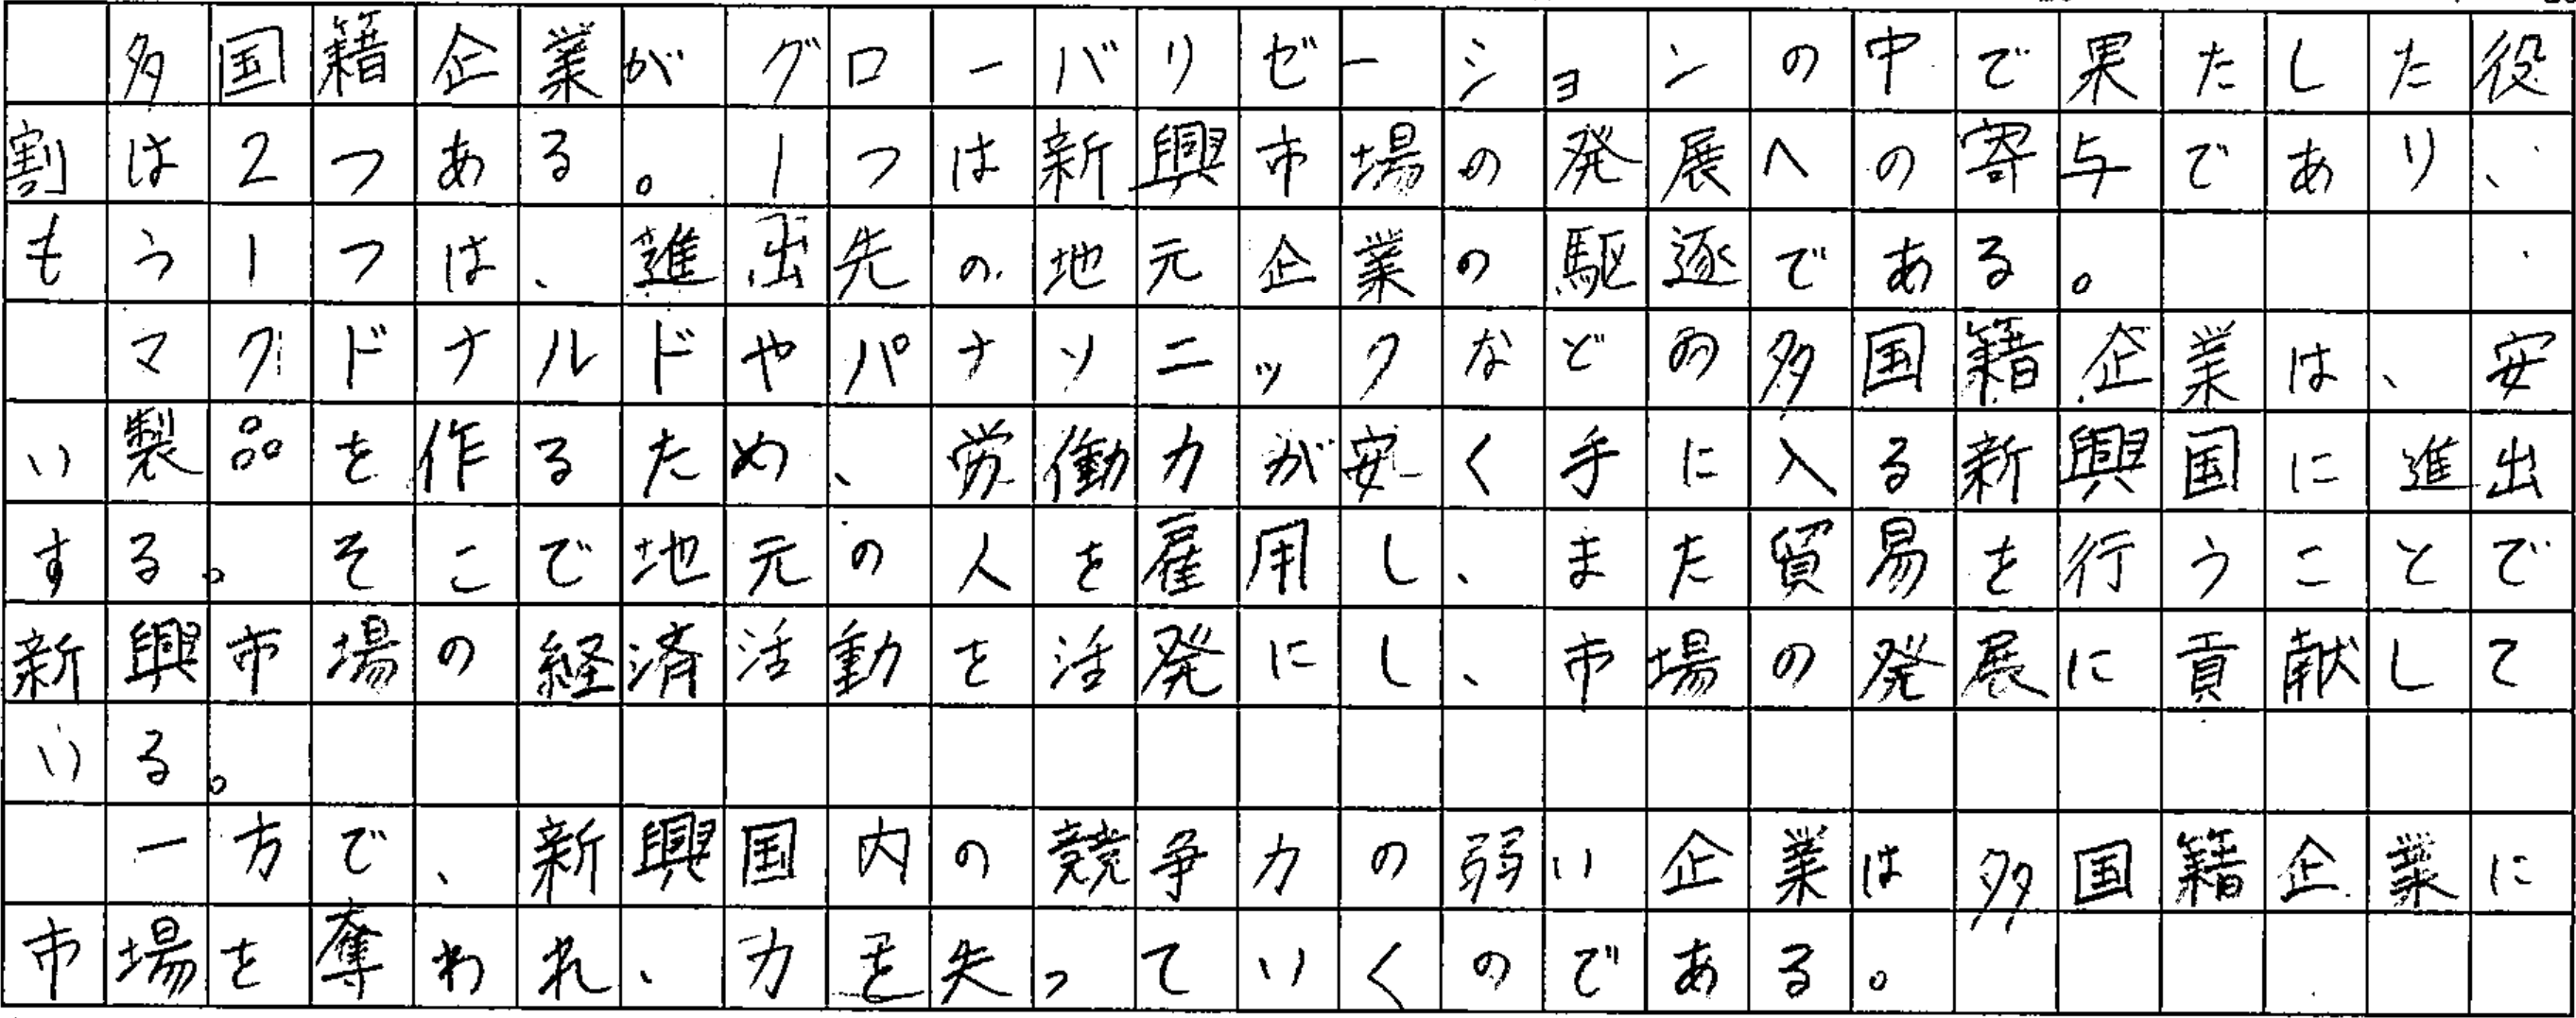　多国籍企業がグローバリゼーションの中で果たした役割は２つある。１つは新興市場の発展への寄与であり、もう１つは、進出先の地元企業の駆逐である。
　マクドナルドやパナソニックなどの多国籍企業は、安い製品を作るため、労働力が安く手に入る新興国に進出する。そこで地元の人を雇用し、また貿易を行うことで新興市場の経済活動を活発にし、市場の発展に貢献している。
　一方で、新興国内の競争力の弱い企業は多国籍企業に市場を奪われ、力を失っていくのである。
